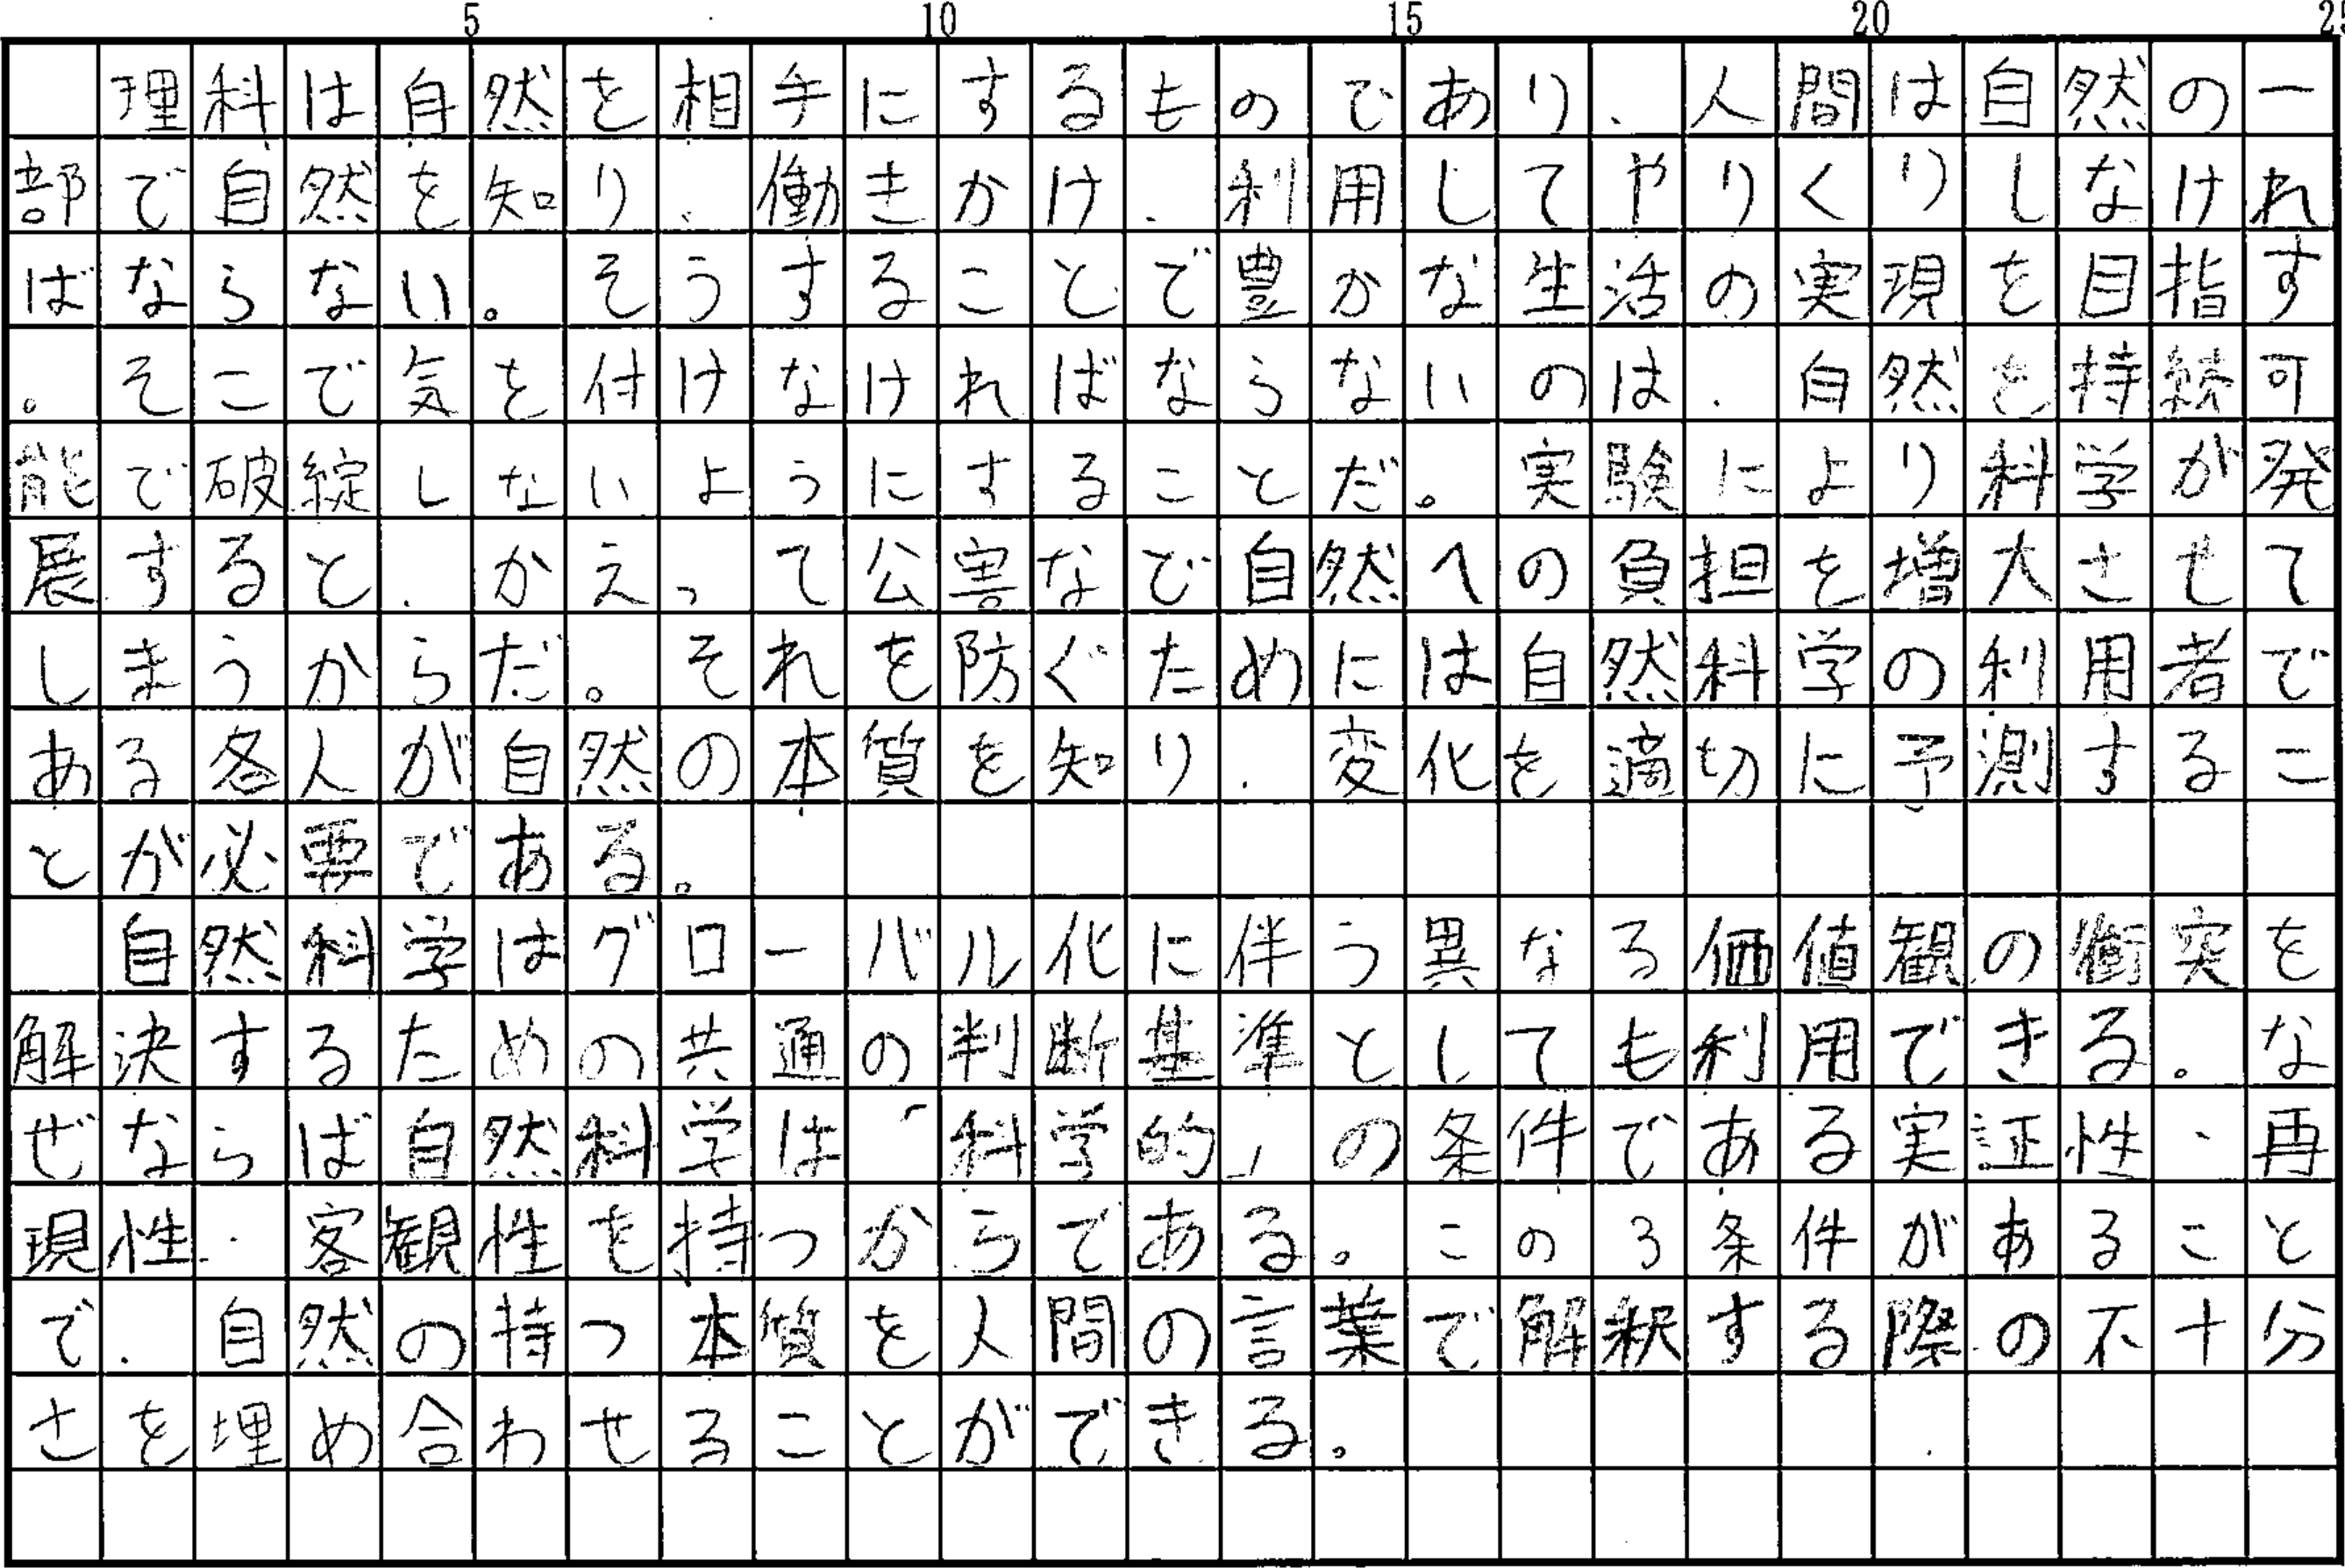　理科は自然を相手にするものであり、人間は自然の一部で自然を知り、働きかけ、利用してやりくりしなければならない。そうすることで豊かな生活の実現を目指す。そこで気を付けなければならないのは、自然を持続可能で破綻しないようにすることだ。実験により科学が発展すると、かえって公害など自然への負担を増大させてしまうからだ。それを防ぐためには自然科学の利用者である各人が自然の本質を知り、変化を適切に予測することが必要である。
　自然科学はグローバル化に伴う異なる価値観の衝突を解決するための共通の判断基準としても利用できる。なぜならば自然科学は「科学的」の条件である実証性・再現性・客観性を持つからである。この３条件があることで、自然の持つ本質を人間の言葉で解釈する際の不十分さを埋め合わせることができる。
